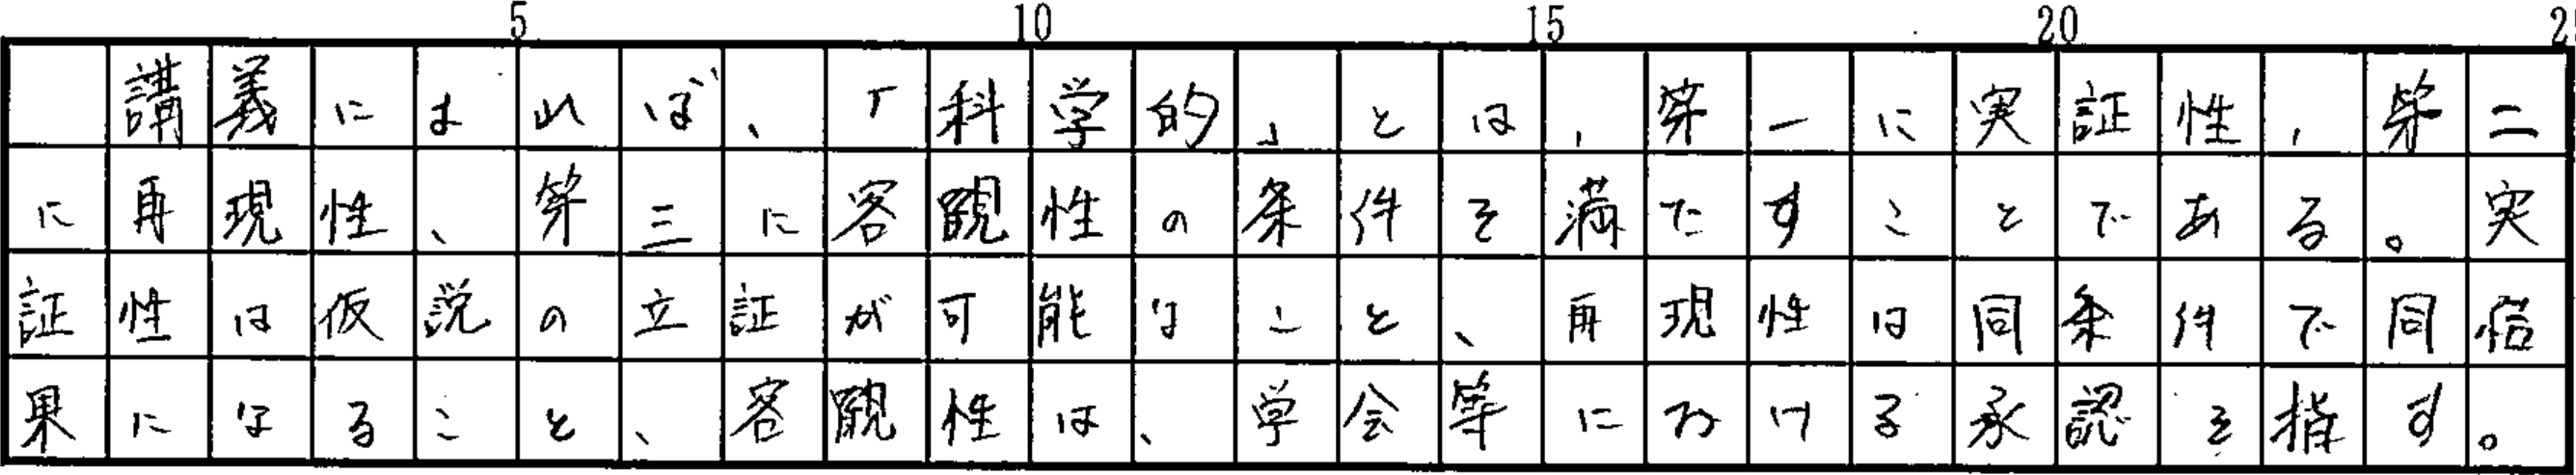　講義によれば、「科学的」とは、第一に実証性、第二に再現性、第三に客観性の条件を満たすことである。実証性は仮説の立証が可能なこと、再現性は同条件で同結果になること、客観性は、学会等における承認を指す。
